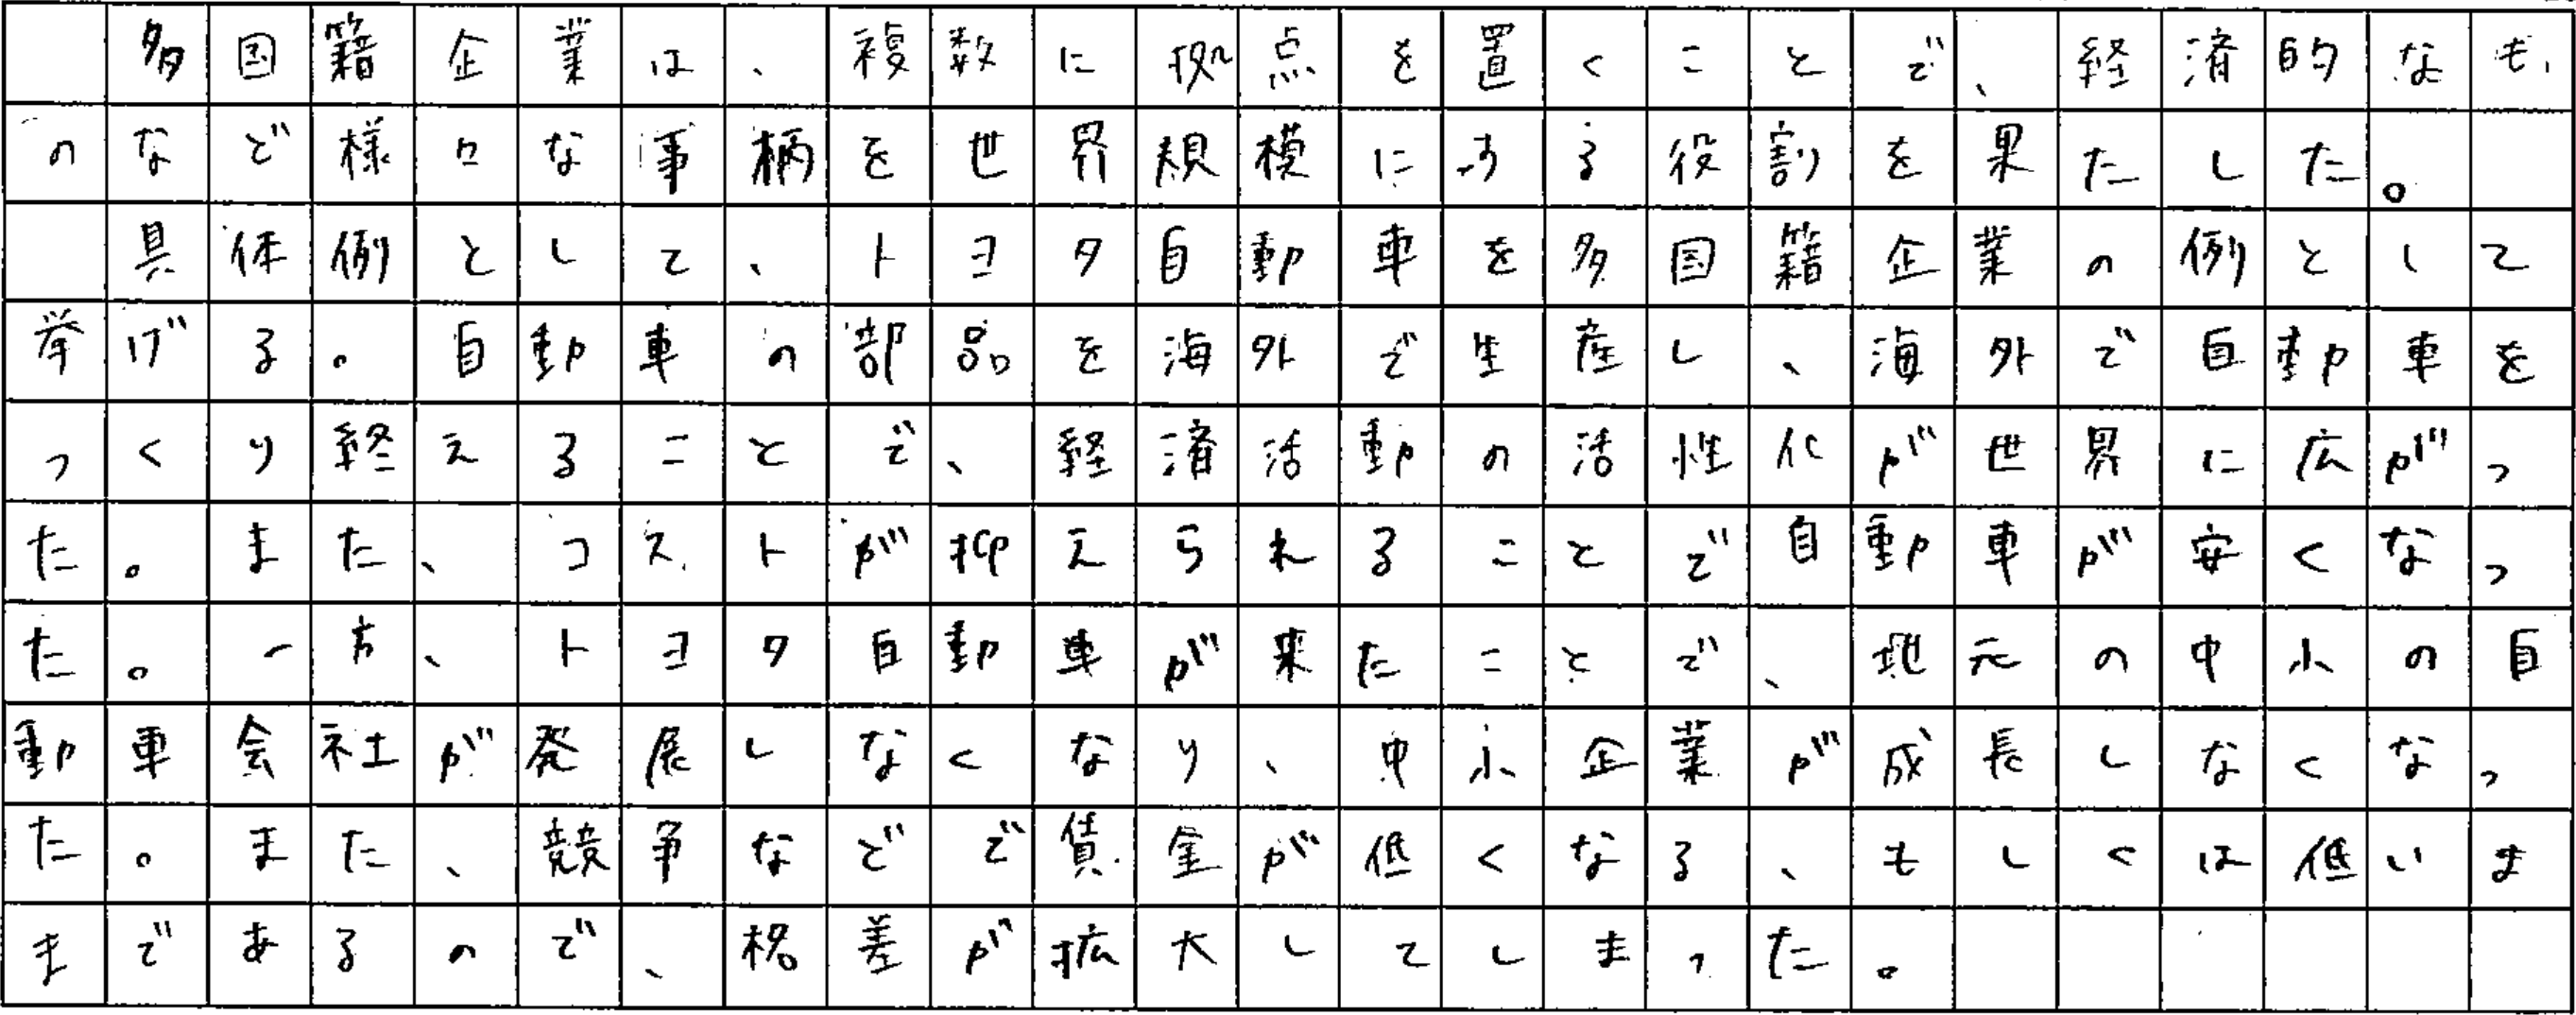　多国籍企業は、複数に拠点を置くことで、経済的なものなど様々な事柄を世界規模にする役割を果たした。
　具体例として、トヨタ自動車を多国籍企業の例として挙げる。自動車の部品を海外で生産し、海外で自動車をつくり終えることで、経済活動の活性化が世界に広がった。また、コストが抑えられることで自動車が安くなった。一方、トヨタ自動車が来たことで、地元の中小の自動車会社が発展しなくなり、中小企業が成長しなくなった。また、競争などで賃金が低くなる、もしくは低いままであるので、格差が拡大してしまった。
